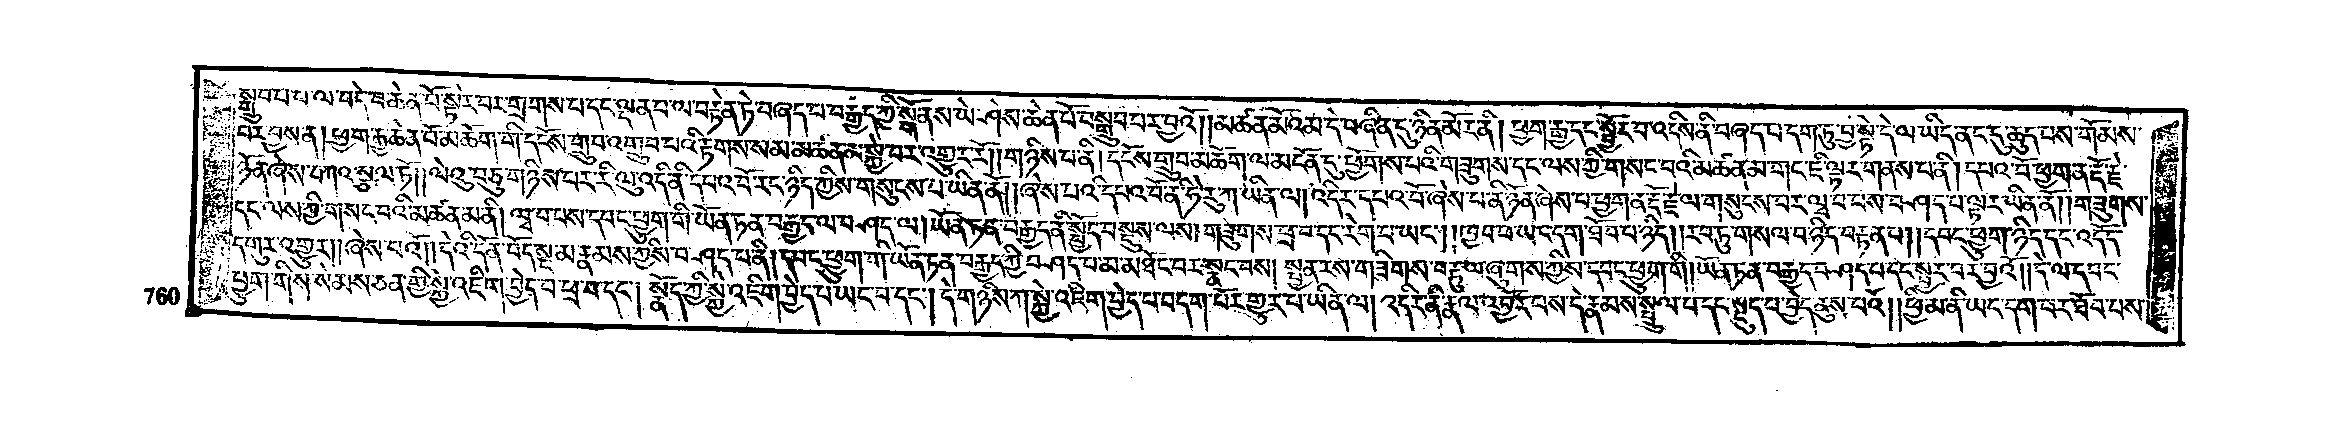སྒྲུབ་པ་པ་ལ་བདེ་བ་ཆེན་པོ་སྟེར་བར་གྲགས་པ་དང་ལྡན་པ་ལ་བརྟེན་ཏེ་བཞད་པ་བརྒྱད་ཀྱི་སྒོ་ནས་ཡེ་ཤེས་ཆེན་པོ་བསྒྲུབ་པར་བྱའོ། །མཚན་མོའམ་དེ་བཞིན་དུ་ཉིན་མོར་ནི། ཕྱག་རྒྱ་དང་སྦྱོར་བ་འདིས་ནི་བཞད་པ་དག་ཏུ་བྱ་སྟེ་དེ་ལ་ཡིད་ནང་དུ་ཆུད་པས་གོམས་
པར་བྱས་ན། ཕྱག་རྒྱ་ཆེན་པོ་མཆོག་གི་དངོས་གྲུབ་འགྲུབ་པའི་རྟགས་སམ་མཚན་མ་སྐྱེ་བར་འགྱུར་རོ། །གཉིས་པ་ནི། དངོས་གྲུབ་མཆོག་ལ་མངོན་དུ་ཕྱོགས་པའི་གཟུགས་དང་ལས་ཀྱི་གསང་བའི་མཚན་མ་གང་ཇི་ལྟར་གནས་པ་ནི། དཔའ་བོ་ཕྱག་ན་རྡོ་རྗེ་
ཉོན་ཞེས་བཀའ་སྩལ་ཏོ། །ལེའུ་བཅུ་གཉིས་པར་རི་ལུ་འདི་ནི་དཔའ་བོ་རང་ཉིད་ཀྱིས་གསུངས་པ་ཡིན་ནོ། །ཞེས་པའི་དཔའ་བོ་ནི་ཧེ་རུ་ཀ་ཡིན་ལ། འདིར་དཔའ་བོ་ཞེས་པ་ནི་ཉོན་ཞེས་པ་ཕྱག་ན་རྡོ་རྗེ་ལ་གསུངས་པར་ལྭ་པ་བས་བཤད་པ་ལྟར་ཡིན་ནོ། །གཟུགས་
དང་ལས་ཀྱི་གསང་བའི་མཚན་མ་ནི། ལྭ་བ་པས་དབང་ཕྱུག་གི་ཡོན་ཏན་བརྒྱད་ལ་བཤད་ལ། ཡོན་ཏན་བརྒྱད་ནི་སྤྱོད་བསྡུས་ལས། གཟུགས་ཕྲ་བ་དང་རེག་པ་ཡང་། །ཁྱབ་པ་ཡང་དག་ཐོབ་པ་ཉིད། །རབ་ཏུ་གསལ་བ་ཉིད་བརྟན་པ། །དབང་ཕྱུག་ཉིད་དང་འདོད་
དགུར་འགྱུར། །ཞེས་པའོ། །དེའི་དོན་བོད་སྔ་མ་རྣམས་ཀྱིས་བཤད་པ་ནི། དབང་ཕྱུག་གི་ཡོན་ཏན་བརྒྱད་ཀྱི་བཤད་པ་མ་མཐོང་བར་སྣང་བས། སྤྱན་རས་གཟིགས་བརྟུལ་ཞུགས་ཀྱིས་དབང་ཕྱུག་གི། ཡོན་ཏན་བརྒྱད་བཤད་པ་དང་སྦྱར་བར་བྱའོ། །དེ་ལ་དབང་
ཕྱུག་གིས་སེམས་ཅན་གྱི་སྐྱེ་འཇིག་བྱེད་པ་ཕྲ་བ་དང་། སྣོད་ཀྱི་སྐྱེ་འཇིག་བྱེད་པ་ཡང་བ་དང་། དེ་གཉིས་ཀ་སྐྱེ་འཇིག་བྱེད་པ་བདག་པོར་གྱུར་བ་ཡིན་ལ། འདིར་ནི་རྣལ་འབྱོར་པས་དེ་རྣམས་སྤྲུལ་པ་དང་སྡུད་པ་བྱེད་ནུས་པའོ། །ཕྱི་མ་ནི་ཡང་དག་པར་ཐོབ་པས་